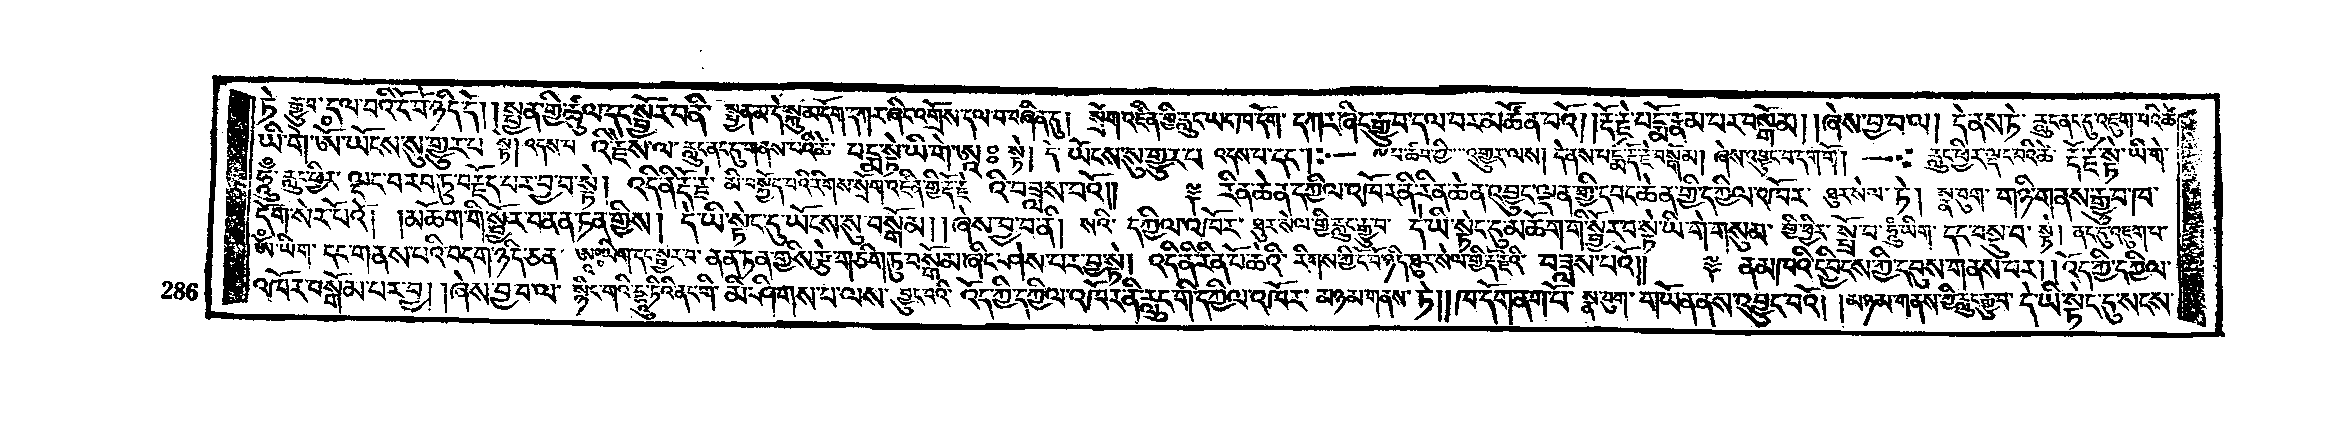ཏེ་རྒྱུ་བ་དལ་བའི་ངོ་བོ་ཉིད་དོ། །སྤྱན་གྱི་ཚུལ་དང་སྦྱོར་བ་ནི་སྤྱན་མ་དེ་སྐུ་མདོག་དཀར་ཞིང་འགྲོས་དལ་བ་བཞིན་དུ། སྲོག་འཛིན་གྱི་རླུང་ཡང་ཁ་དོག་དཀར་ཞིང་རྒྱུ་བ་དལ་བར་མཚོན་པའོ། །རྡོ་རྗེ་པདམོ་རྣམ་པར་བསྒོམ། །ཞེས་བྱ་བ་ལ། དེ་ནས་ཏེ་རླུང་ནང་དུ་འཇུག་པའི་ཚེ
ཡི་གེ་ཨོཾ་ཡོངས་སུ་གྱུར་པ་སྟེ། འདས་པའི་རྗེས་ལ་རླུང་ནང་དུ་གནས་པའི་ཚེ་པདམ་སྟེ་ཡི་གེ་ཨཱཿ སྟེ། དེ་ཡོངས་སུ་གྱུར་པ་འདས་པ་དང་། H.་༧པ་ཚབ་ཀྱི་འགྱུར་ལས། དེ་ནས་པདམ་རྡོ་རྗེ་བསྒོམ། ཞེས་འབྱུང་བ་དག་གོ་.H།རླུང་ཕྱིར་ལྡང་བའི་ཚེ་རྡོ་རྗེ་སྟེ་ཡི་གེ་
ཧཱུཾ་རླུང་ཕྱིར་ལྡང་བ་རབ་ཏུ་བརྗོད་པར་བྱ་བ་སྟེ། འདི་ནི་རྡོ་རྗེ་མི་བསྐྱོད་པའི་རིགས་སྲོག་འཛིན་གྱི་རྡོ་རྗེའི་བཟླས་པའོ།། ༈ རིན་ཆེན་དཀྱིལ་འཁོར་ནི་རིན་ཆེན་འབྱུང་ལྡན་གྱི་དབང་ཆེན་གྱི་དཀྱིལ་འཁོར་ཐུར་སེལ་ཏེ། སྣ་བུག་གཉི་ག་ནས་རྒྱུ་བ་ཁ་
དོག་སེར་པོའོ། །མཆོག་གི་སྦྱོར་བ་ནན་ཏན་གྱིས། དེ་ཡི་སྟེང་དུ་ཡོངས་སུ་བསྒོམ། །ཞེས་བྱ་བ་ནི། སའི་དཀྱིལ་འཁོར་ཐུར་སེལ་གྱི་རླུང་རྒྱུ་བ་དེ་ཡི་སྟེང་དུ་མཆོག་གི་སྦྱོར་བ་སྟེ་ཡི་གེ་གསུམ་གྱི་ཕྱིར་སྤྲོ་བ་ཧཱུཾ་ཡིག་དང་བསྡུ་བ་སྟེ། ནང་དུ་འཇུག་པ་
ཨོཾ་ཡིག་དང་གནས་པའི་བདག་ཉིད་ཅན་ཨཱཿ ཡིག་དང་སྦྱར་བ་ནན་ཏན་གྱིས་རྩེ་གཅིག་ཏུ་བསྒོམ་ཞིང་ཤེས་པར་བྱ་སྟེ། འདི་ནི་རིན་པོ་ཆེའི་རིགས་ཀྱི་ངོ་བོ་ཉིད་ཐུར་སེལ་གྱི་རྡོ་རྗེའི་བཟླས་པའོ།། ༈ ནམ་མཁའི་དབྱིངས་ཀྱི་དབུས་གནས་པར། །འོད་ཀྱི་དཀྱིལ་
འཁོར་བསྒོམ་པར་བྱ། །ཞེས་བྱ་བ་ལ་སྙིང་གའི་དྷཱུ་ཏིའི་ནང་གི་མི་ཤིགས་པ་ལས་བྱུང་བའི་འོད་ཀྱི་དཀྱིལ་འཁོར་ནི་རླུང་གི་དཀྱིལ་འཁོར་མཉམ་གནས་ཏེ། །ཁ་དོག་ནག་པོ་སྣ་བུག་གཡོན་ནས་འབྱུང་བའོ། ། མཉམ་གནས་ཀྱི་རླུང་རྒྱུ་བ་དེ་ཡི་སྟེང་དུ་སངས་